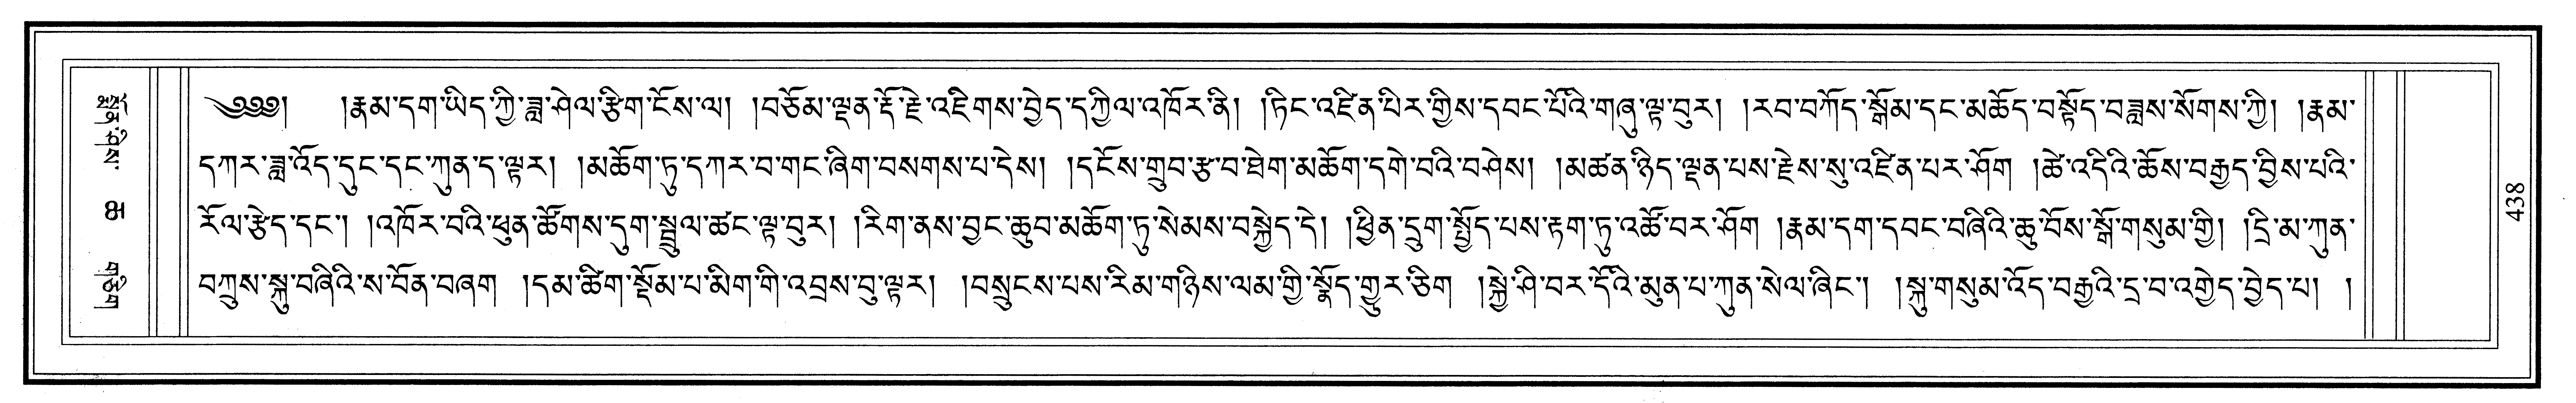རྣམ་དག་ཡིད་ཀྱི་ཟླ་ཤེལ་རྩིག་ངོས་ལ། །བཅོམ་ལྡན་རྡོ་རྗེ་འཇིགས་བྱེད་དཀྱིལ་འཁོར་ནི། །ཏིང་འཛིན་པིར་གྱིས་དབང་པོའི་གཞུ་ལྟ་བུར། །རབ་བཀོད་སྒོམ་དང་མཆོད་བསྟོད་བཟླས་སོགས་ཀྱི། །རྣམ་
དཀར་ཟླ་འོད་དུང་དང་ཀུན་ད་ལྟར། །མཆོག་ཏུ་དཀར་བ་གང་ཞིག་བསགས་པ་དེས། །དངོས་གྲུབ་རྩ་བ་ཐེག་མཆོག་དགེ་བའི་བཤེས། །མཚན་ཉིད་ལྡན་པས་རྗེས་སུ་འཛིན་པར་ཤོག །ཚེ་འདིའི་ཆོས་བརྒྱད་བྱིས་པའི་
རོལ་རྩེད་དང་། །འཁོར་བའི་ཕུན་ཚོགས་དུག་སྦྲུལ་ཚང་ལྟ་བུར། །རིག་ནས་བྱང་ཆུབ་མཆོག་ཏུ་སེམས་བསྐྱེད་དེ། །ཕྱིན་དྲུག་སྤྱོད་པས་རྟག་ཏུ་འཚོ་བར་ཤོག །རྣམ་དག་དབང་བཞིའི་ཆུ་བོས་སྒོ་གསུམ་གྱི། །དྲི་མ་ཀུན་
བཀྲུས་སྐུ་བཞིའི་ས་བོན་བཞག །དམ་ཚིག་སྡོམ་པ་མིག་གི་འབྲས་བུ་ལྟར། །བསྲུངས་པས་རིམ་གཉིས་ལམ་གྱི་སྣོད་གྱུར་ཅིག །སྐྱེ་ཤི་བར་དོའི་མུན་པ་ཀུན་སེལ་ཞིང་། །སྐུ་གསུམ་འོད་བརྒྱའི་དྲ་བ་འགྱེད་བྱེད་པ། །